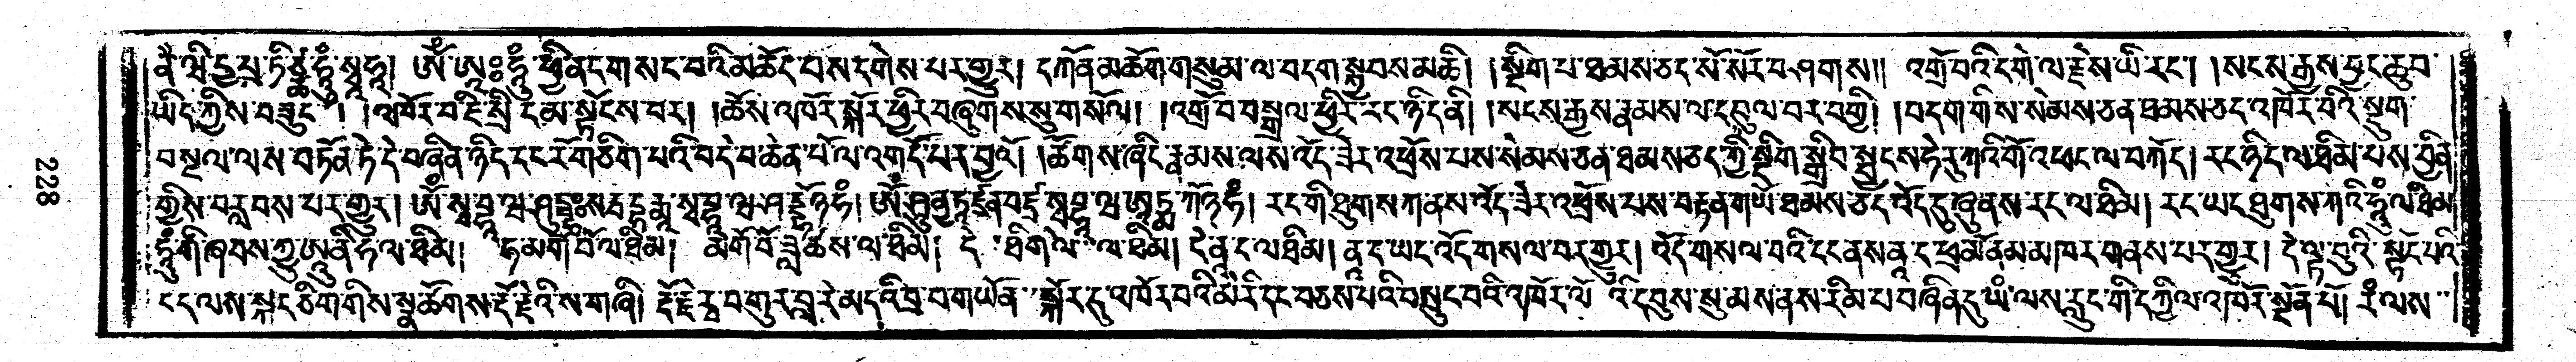ནཻ་ཝི་དྱ་པྲ་ཏིཙྪ་ཧཱུཾ་སྭཱ་ཧཱ། ཨོཾ་ཨཱཿ ཧཱུཾ་ཕྱི་ནང་གསང་བའི་མཆོད་པས་དགེས་པར་གྱུར། དཀོན་མཆོག་གསུམ་ལ་བདག་སྐྱབས་མཆི། །སྡིག་པ་ཐམས་ཅད་སོ་སོར་བཤགས།། འགྲོ་བའི་དགེ་ལ་རྗེས་ཡི་རང་། །སངས་རྒྱས་བྱང་ཆུབ་
ཡིད་ཀྱིས་བཟུང་། །འཁོར་བ་ཇི་སྲིང་མ་སྟོངས་བར། །ཆོས་འཁོར་སྐོར་ཕྱིར་བཞུགས་སུ་གསོལ། །འགྲོ་བ་བསྒྲལ་ཕྱིར་རང་ཉིད་ནི། །སངས་རྒྱས་རྣམས་ལ་དབུལ་བར་བགྱི། །བདག་གིས་སེམས་ཅན་ཐམས་ཅད་འཁོར་བའི་སྡུག་
བསྔལ་ལས་བཏོན་ཏེ་དེ་བཞིན་ཉིད་དང་རོ་གཅིག་པའི་བདེ་བ་ཆེན་པོ་ལ་འགོད་པར་བྱའོ། །ཚོགས་ཞིང་རྣམས་ལས་འོད་ཟེར་འཕྲོས་པས་སེམས་ཅན་ཐམས་ཅད་ཀྱི་སྡིག་སྒྲིབ་སྦྱངས་ཧེ་རུ་ཀའི་གོ་འཕང་ལ་བཀོད། རང་ཉིད་ལ་ཐིམ་པས་བྱིན་
གྱིས་བརླབས་པར་གྱུར། ཨོཾ་སྭ་བྷཱ་ཝ་ཤུདབྷཿ སརྦ་དྷརྨཱ་སྭ་བྷཱ་ཝ་ཤ་དྡྷོཉཧཾ། ཨོཾ་ཤཱུནྱ་ཏཱ་ཛྲན་བཛྲ་སྭབྷཱ་ཝ་ཨཱཏྨ་ཀོཉཧཾ། རང་གི་ཐུགས་ཀ་ནས་འོད་ཟེར་འཕྲོས་པས་བརྟན་གཡོ་ཐམས་ཅད་འོད་དུ་ཞུ་ནས་རང་ལ་ཐིམ་།རང་ཡང་ཐུགས་ཀའི་ཧཱུཾ་ལ་ཐིམ་
ཧཱུཾ་གི་ཞབས་ཀྱུ་ཨཱུ་ནི་ཧ་ལ་ཐིམ། ཧ་མགོ་བོ་ལ་ཐིམ། མགོ་བོ་ཟླ་ཚད་ལ་ཐིམ། དེ་ཐིག་ལེ་ལ་ཐིམ། དེ་ན་ང་ལ་ཐིམ། ནཱ་ད་ཡང་འོད་གསལ་བར་གྱུར་།འོད་གསལ་བའི་ངང་ནས་ནཱ་ད་ཕྲ་མོ་ནམ་མཁར་གནས་པར་གྱུར། དེ་ལྟ་བུའི་སྟོང་པའི་
ངང་ལས་སྐད་ཅིག་གིས་སྣ་ཚོགས་རྡོ་རྗེའི་ས་གཞི། རྡོ་རྗེ་རྭ་བ་གུར་བླ་རེ་མདའི་བྲ་བ་གཡོན་སྐོར་དུ་འཁོར་བའི་མེ་རི་དང་བཅས་པའི་བསྲུང་བའི་འཁོར་ལོའི་དབུས་སུ་མས་ནས་རིམ་པ་བཞིན་དུ་ཡཾ་ལས་རླུང་གི་དཀྱིལ་འཁོར་སྔོན་པོ། རཾ་ལས་